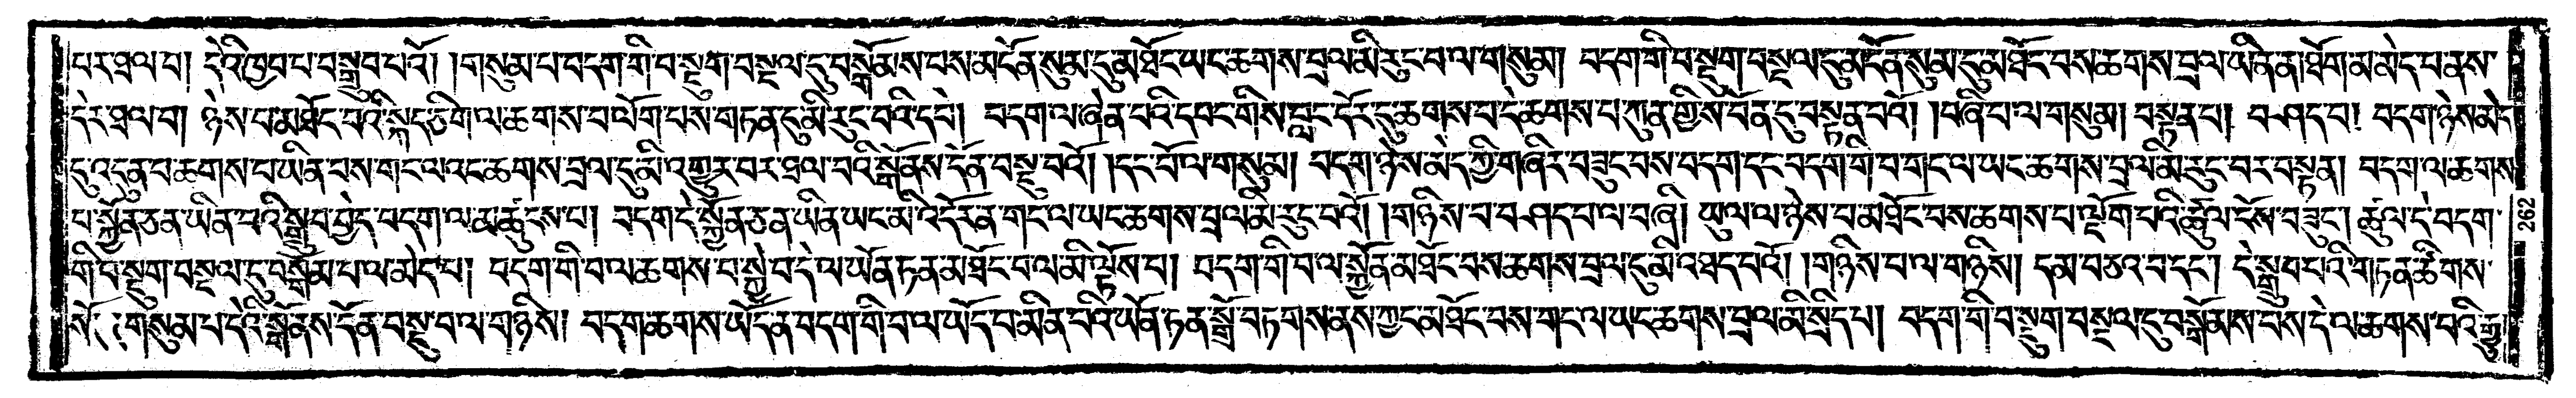པར་ཐལ་བ། དེའི་ཁྱབ་པ་བསྒྲུབ་པའོ། །གསུམ་པ་བདག་གི་བ་སྡུག་བསྔལ་དུ་བསྒོམས་པས་མངོན་སུམ་དུ་མཐོང་ཡང་ཆགས་བྲལ་མི་རུང་བ་ལ་གསུམ། བདག་གི་བ་སྡུག་བསྔལ་དུ་མངོན་སུམ་དུ་མཐོང་བས་ཆགས་བྲལ་ཡིན་ན། ཐོག་མ་མེད་པ་ནས་
དེར་ཐལ་བ། ཉེས་པ་མཐོང་བའི་སྐད་ཅིག་ལ་ཆགས་པ་ལོག་པས་གཏན་དུ་མི་རུང་བའི་དཔེ། བདག་ལ་ཞེན་པའི་དབང་གིས་བླང་དོར་དུ་ཆགས་པ་དེ་ཆགས་པ་ཀུན་གྱི་ས་བོན་དུ་བསྟན་པའོ། །བཞི་པ་ལ་གསུམ། བསྟན་པ། བཤད་པ། བདག་ཉེས་མེད་
དུ་འདུན་པ་ཆགས་པ་ཡིན་པས་གང་ལའང་ཆགས་བྲལ་དུ་མི་འགྱུར་བར་ཐལ་བའི་སྒོ་ནས་དོན་བསྡུ་བའོ། །དང་པོ་ལ་གསུམ། བདག་ཉེས་མེད་ཀྱི་གཞིར་བཟུང་བས་བདག་དང་བདག་གི་བ་གང་ལ་ཡང་ཆགས་བྲལ་མི་རུང་བར་བསྟན། བདག་ལ་ཆགས་
པ་སྐྱོན་ཅན་ཡིན་པའི་སྒྲུབ་བྱེད་བདག་ལ་མཚུངས་པ། བདག་དེ་སྐྱོན་ཅན་ཡིན་ཡང་མི་འདོར་ན་གང་ལ་ཡང་ཆགས་བྲལ་མི་རུང་བའོ། །གཉིས་པ་བཤད་པ་ལ་བཞི། ཡུལ་ལ་ཉེས་པ་མཐོང་བས་ཆགས་པ་ལྡོག་པའི་ཚུལ་ངོས་བཟུང་། ཚུལ་དེ་བདག་
གི་བ་སྡུག་བསྔལ་དུ་བསྒོམ་པ་ལ་མེད་པ། བདག་གི་བ་ལ་ཆགས་པ་སྐྱེ་བ་དེ་ལ་ཡོན་ཏན་མཐོང་བ་ལ་མི་ལྟོས་པ། བདག་གི་བ་ལ་སྐྱོན་མཐོང་བས་ཆགས་བྲལ་དུ་མི་འཐད་པའོ། །གཉིས་པ་ལ་གཉིས། དམ་བཅའ་བ་དང་། དེ་སྒྲུབ་པའི་གཏན་ཚིགས་
སོ། །གསུམ་པ་དེའི་སྒོ་ནས་དོན་བསྡུ་བ་ལ་གཉིས། བདག་ཆགས་ཡོད་ན་བདག་གི་བ་ལ་ཡོད་པ་མིན་པའི་ཡོན་ཏན་སྒྲོ་བཏགས་ནས་ཀྱང་མཐོང་བས་གང་ལ་ཡང་ཆགས་བྲལ་མི་སྲིད་པ། བདག་གི་བ་སྡུག་བསྔལ་དུ་བསྒོམས་པས་དེ་ལ་ཆགས་པའི་རྒྱུ་